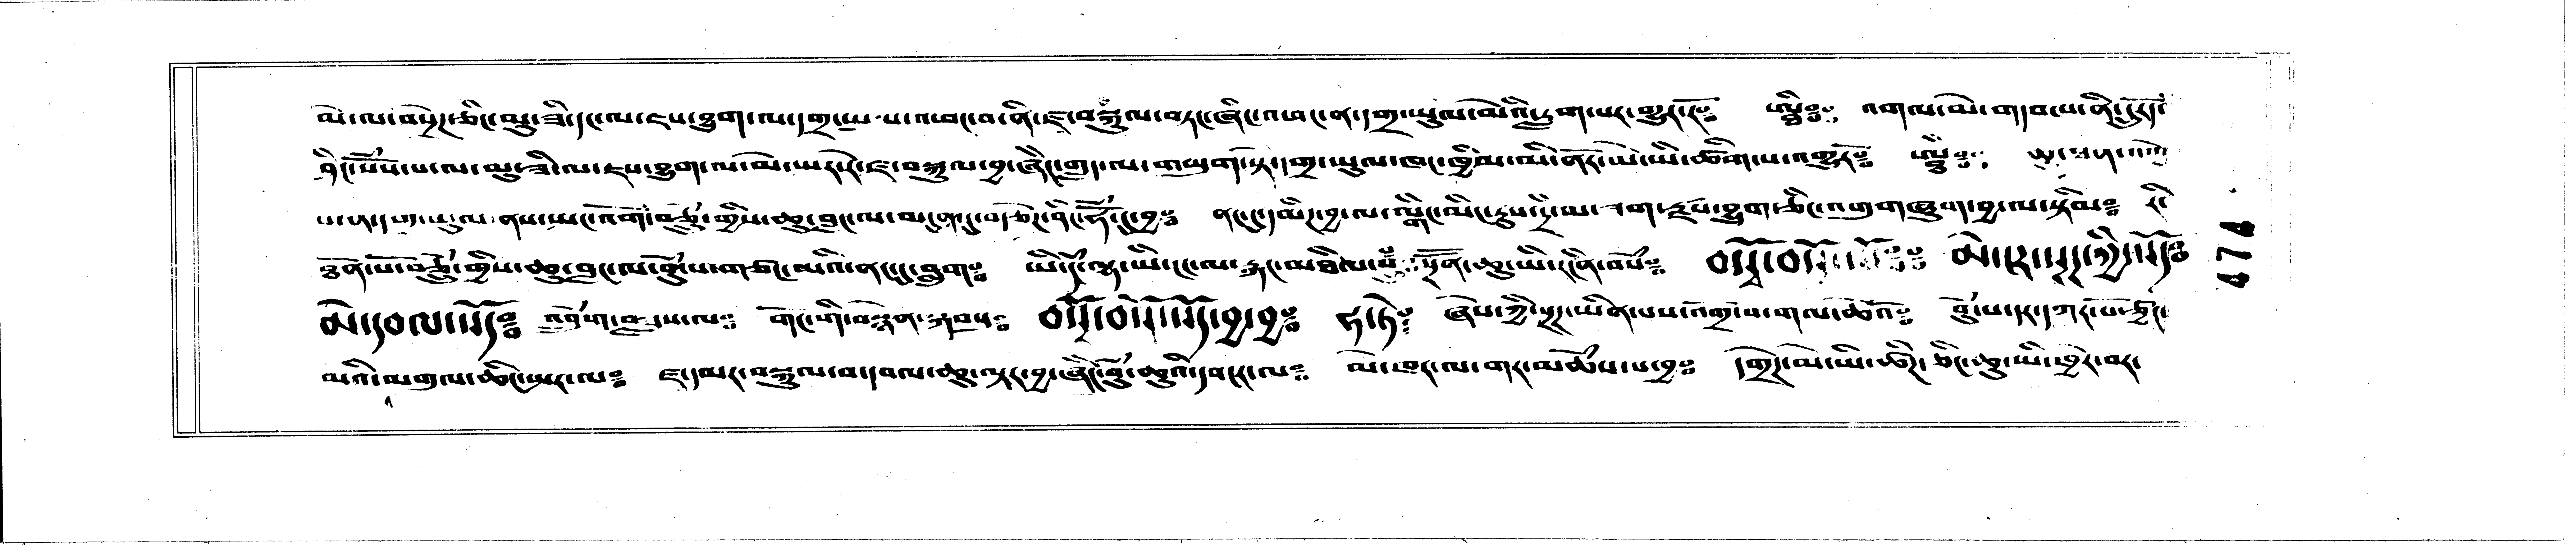མེ་ལ་བསྲེགས་ཅིང་མུ་ཟི་དང་ལ་ཇས་བྱུག་ལ་དགྲ་ཡུལ་འཕང་བ་ནི་ཛྭ་བསྐུལ་བཏང་ཞིང་འཕང་ན་དགྲ་ཡུལ་མེ་ཡིས་བརླག་པར་འགྱུར་རོ༔ཨྠི༔འགལ་མེ་གདབ་པ་ནི་དུར་ཁྲོད་
ཤིང་སོམ་པ་ལ་མུ་ཟི་ལ་ཇས་བྱུག་ལ་མེ་སྤར་རོ་ཛྭ་བསྐུལ་བྱ་ཞིང་གླད་ལ་གཡུག་སྟེ་དགྲ་ཡུལ་ཁང་ཁྱིམ་མི་ནོར་མེ་ཡིས་ཚིག་པར་འགྱུར་རོ༔ཨྠི༔༔ ཆུ་ཐན་འགྱེད་
པ་ན་དགྲ་ཡུལ་ནས་སྤང་འོག་བཅུ་གསུམ་གྱིས་ཆུ་བླང་ལ་མདུན་དུ་བརྩེགས་ཤིང་ཧོཾ་དུ་བྱ༔ ནང་དུ་དམིགས་བྱ་ལ་ལིང་ག་མིང་རུས་དྲི་མ་ཟག་རྫས་བྱུག་ཅིང་འགུག་གཞུག་བྱ་ལ་བསྟིམ༔རི་
མཐོན་པོ་བཅུ་གསུམ་གྱིས་ཆུ་བླང་ལ་བུམ་པ་གཙང་མའི་ནང་དུ་བླུག༔ཡི་དམ་ལྷ་ཡི་ངང་ལ་རྐང་མཐིལ་བྲུཾ་སྔོན་མོ་ཆུ་ཡི་རང་བཞིན་བསམ༔ བསྭོ་བསྭོ་སོད༔༔མེ་ངར་སྔགས་ཀྱི་སོད༔
མེ་དབལ་སོད༔འབུམ་ཕྲག་བཟླས་ལ༔གོང་གི་བསྙེན་སྐབས༔བསྭོ་བསྭོ་སོད་བྱ་བྱ༔ཧ་ཏེ༔ཞེས་ཀྱི་སྔགས་ཡིན་པས་འགྲོ་བ་གལ་ཆེའོ༔ བུམ་པ་དཀར་པོ་གཙང་
མའི་མགུལ་ཆིངས་སྤར་ལ༔ཛྭ་དམར་བསྐུལ་བ་དབལ་ཆུ་ལྟར་བྱ་ཞིང་བུམ་ཆུའི་དབང་བསྐུར་ལ༔མེ་ཁར་ལ་གར་མཚམས་པ་བྱ༔ དགྲ་བགེགས་མེ་ཡིས་ཚིགས་ཅིང་ཆུ་ཡིས་ཁྱེར་བར་